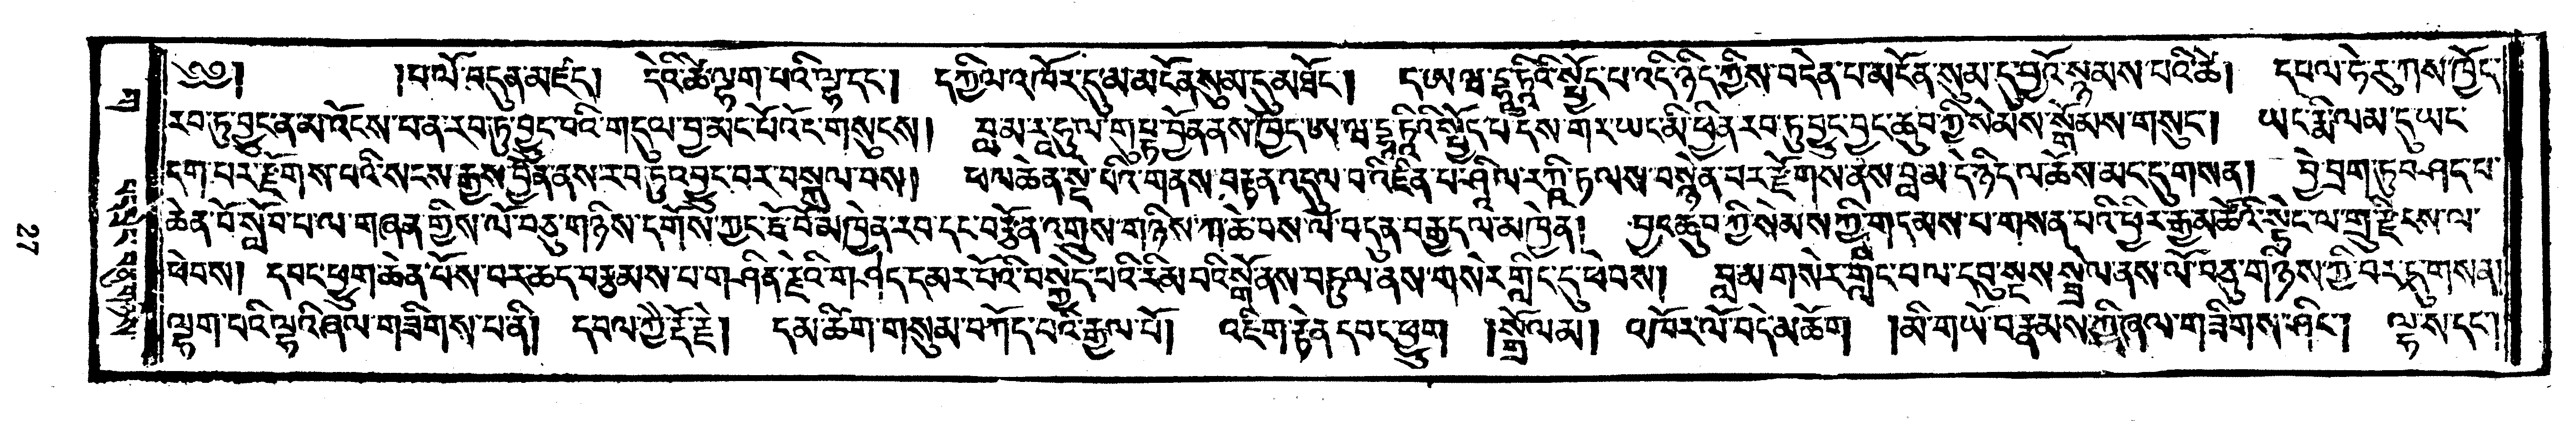༄༅། །པ་ལོ་བདུན་མཛད། དེའི་ཚེ་ལྷག་པའི་ལྷ་དང་། དཀྱིལ་འཁོར་དུ་མ་མངོན་སུམ་དུ་མཐོང་། ད་ཨ་ཝ་དྷཱུ་ཏཱིའི་སྤྱོད་པ་འདི་ཉིད་ཀྱིས་བདེན་པ་མངོན་སུམ་དུ་བྱའོ་སྙམས་པའི་ཚེ། དཔལ་ཧེ་རུ་ཀས་ཁྱོད་
རབ་ཏུ་བྱུང་ན་མ་འོངས་པ་ན་རབ་ཏུ་བྱུང་བའི་གདུལ་བྱ་མང་པོའོང་གསུངས། བླ་མ་རཱ་ཧུ་ལ་གུཔྟ་བྱོན་ནས་ཁྱོད་ཨ་ཝ་དྷཱ་ཏཱིའི་སྤྱོད་པ་དེས་གར་ཡང་མི་ཕྱིན་རབ་ཏུ་བྱུང་བྱང་ཆུབ་ཀྱི་སེམས་སྒོམས་གསུང་། ཡང་རྨི་ལམ་དུ་ཡང་
དག་པར་རྫོགས་པའི་སངས་རྒྱས་བྱིན་ནས་རབ་ཏུ་འབྱུང་བར་བསྐུལ་བས། ཕལ་ཆེན་སྡེ་པའི་གནས་བརྟན་འདུལ་བའི་འཛིན་པ་ཤཱི་ལ་རཀྵི་ཏ་ལས་བསྙེན་པར་རྫོགས་ནས་བླ་མ་དེ་ཉིད་ལ་ཆོས་མང་དུ་གསན། བྱེ་བྲག་ཏུ་བཤད་པ་
ཆེན་པོ་སློབ་པ་ལ་གཞན་གྱིས་ལོ་བཅུ་གཉིས་དགོས་ཀྱང་ངོ?་བོ་མཁྱེན་རབ་དང་བརྩོན་འགྲུས་གཉིས་ཀ་ཆེ་བས་ལོ་བདུན་བརྒྱད་ལ་མཁྱེན། བྱང་ཆུབ་ཀྱི་སེམས་ཀྱི་གདམས་པ་གསན་པའི་ཕྱིར་རྒྱ་མཚོའི་སྟེང་ལ་གྲུ་རྫིངས་ལ་
ཕེབས། དབང་ཕྱུག་ཆེན་པོས་བར་ཆད་བརྩམས་པ་གཤིན་རྗེའི་གཤེད་དམར་པོའི་བསྐྱེད་པའི་རིམ་པའི་སྒོ་ནས་བཏུལ་ནས་གསེར་གླིང་དུ་ཕེབས། བླ་མ་གསེར་གླིང་བ་ལ་དབུ་སྔགས་སྤྲེལ་ནས་ལོ་བཅུ་གཉིས་ཀྱི་བར་དུ་གསན།
ལྷག་པའི་ལྷའི་ཞལ་གཟིགས་པ་ནི། དཔལ་ཀྱཻ་རྡོ་རྗེ། དམ་ཚིག་གསུམ་བཀོད་པའི་རྒྱལ་པོ། འཇིག་རྟེན་དབང་ཕྱུག །སྒྲོལ་མ། འཁོར་ལོ་བདེ་མཆོག །མི་གཡོ་བ་རྣམས་ཀྱི་ཞལ་གཟིགས་ཤིང་། ལྷ་ས་དང་།